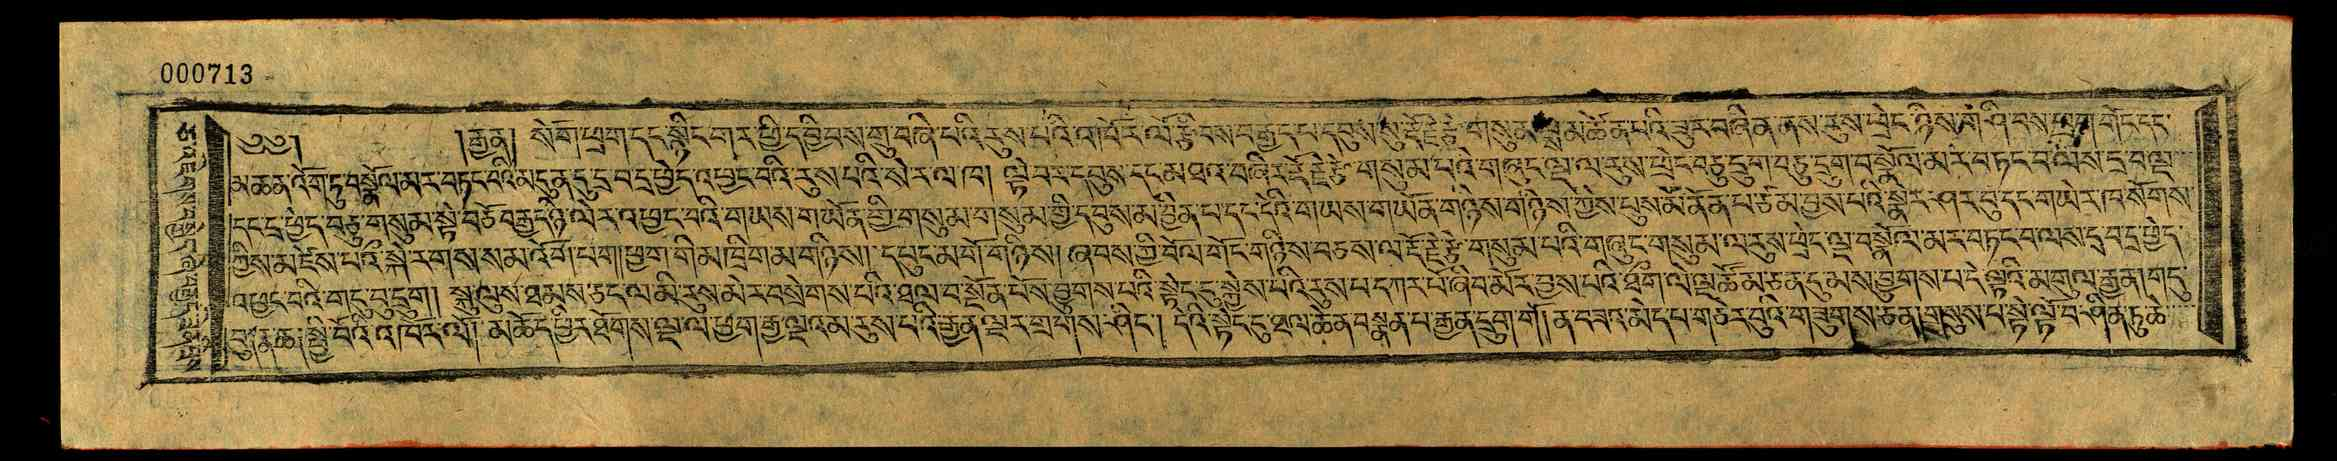༄༅། །རྒྱན། སོག་ཕྲག་དང་སྙིང་གར་ཕྱི་དབྱིབས་གྲུ་བཞི་པའི་རུས་པའི་འཁོར་ལོ་རྩིབས་བརྒྱད་པ་དབུས་སུ་རྡོ་རྗེ་རྩེ་གསུམ་པས་མཚན་པའི་ཟུར་བཞི་ནས་རུས་ཕྲེང་ཉིས་གཤིབས་ཕྲག་གོང་དང་མཆན་
འོག་ཏུ་བསྣོལ་མར་བཏང་བའི་མདུན་དུ་དྲ་བ་དྲ་ཕྱེད་འཕྱང་བའི་རུས་པའི་སེ་རལ་ཁ། ལྟེ་བར་དབུས་དང་མཐའ་བཞིར་རྡོ་རྗེ་རྩེ་གསུམ་པའི་གཞུང་ལྔ་ལ་རུས་ཕྲེང་བཅུ་དྲུག་བསྣོལ་མར་བཏང་བ་ལས་དྲ་བ་ལྔ་
དང་དྲ་ཕྱེད་བཅུ་གསུམ་སྟེ་བཅོ་བརྒྱད་ཉི་ལེར་འཕྱང་བའི་གཡས་གཡོན་གྱི་གསུམ་གསུམ་གྱི་དབུས་མ་བྱིན་པ་དང་དེའི་གཡས་གཡོན་གཉིས་གཉིས་ཀྱིས་པུས་མོ་ནོན་པ་ཙམ་བྱས་པའི་སྣེར་ཤར་བུ་དང་གཡེར་ཁ་སོགས་
ཀྱིས་མཛེས་པའི་སྐེ་རགས་སམ་འོག་བག །ཕྱག་གི་མཁྲིག་མ་གཉིས། དཔུང་མགོ་གཉིས། ཞབས་ཀྱི་བོལ་གོང་གཉིས་བཅས་ལ་རྡོ་རྗེ་རྩེ་གསུམ་པའི་གཞུང་གསུམ་ལ་རུས་ཕྲེང་ལྔ་བསྣོལ་མར་བཏང་བ་ལས་དྲ་བ་དྲ་ཕྱེད་
འཕྱང་བའི་གདུ་བུ་དྲུག །སྐུ་ལུས་ཐམས་ཅད་ལ་མི་རུས་མེར་བསྲེགས་པའི་ཐལ་བ་སྔོན་པོས་བྱུགས་པའི་སྟེང་དུ་སྐྱེས་པའི་རུས་པ་དཀར་པོ་ཞིབ་མོར་བྱས་པའི་ཐིག་ལེ་ལྔ་ཚོམ་ཅན་དུ་མས་བྱུགས་པ་དེ་ལྟའི་མགུལ་རྒྱན། གང་དུ་
བུ༑ རྣ་ཆ༑ སྤྱི་བོའི་འཁོར་ལོ། མཆོད་ཕྱིར་ཐོགས་ལྔ་ལ་ཕྱག་རྒྱ་ལྔའམ་རུས་པའི་རྒྱན་ལྔར་གྲགས་ཤིང་། དེའི་སྟེང་དུ་ཐལ་ཆེན་བསྣན་པ་རྒྱན་དྲུག་གོ །ན་བཟའ་མེད་པ་གཅེར་བུའི་གསུགས་ཅན། གསུས་པ་སྟེ་ལྟོ་བ་ཤིན་ཏུ་ཆེ་